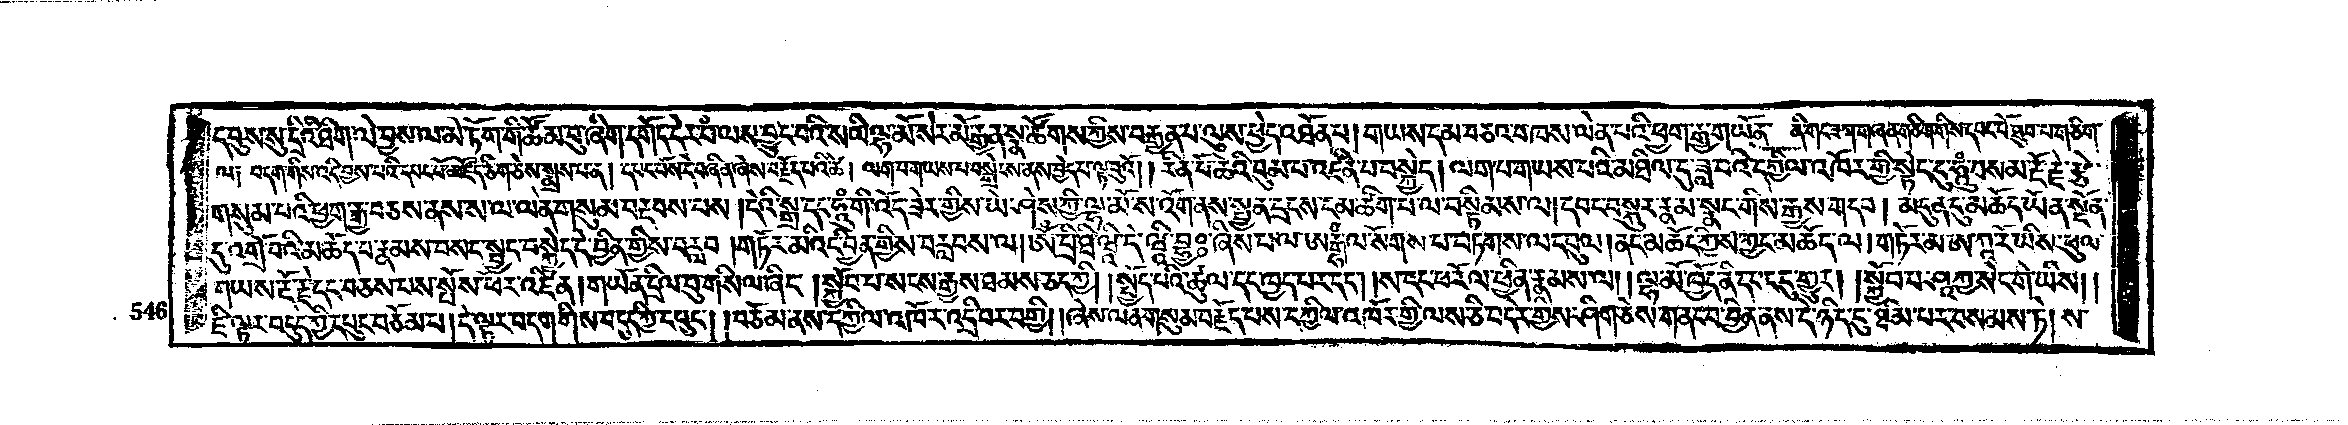དབུས་སུ་དྲིའི་ཐིག་ལེ་བྱས་ལ་མེ་ཏོག་གི་ཚོམ་བུ་ཞིག་དགོད་དེར་བཾ་ལས་བྱུང་བའི་སའི་ལྷ་མོ་སེར་མོ་རྒྱན་སྣ་ཚོགས་ཀྱིས་བརྒྱན་པ་ལུས་ཕྱེད་འཐོན་པ། གཡས་དམ་བཅའ་བ་ཁས་ལེན་པའི་ཕྱག་རྒྱ་གཡོན་ནི་གང་ཟག་གཞན་གཅིག་གིས་དབང་པོ་ཐུབ་པ་གཅིག་
ལ། བདག་གིས་འདི་བྱས་པའི་དབང་པོ་མཛོད་ཅིག་ཅེས་སྨྲས་པ་ན། དཔང་པོས་དེ་བཞིན་ཞེས་བརྗོད་པའི་ཚེ། ལག་པ་གཡས་པ་བསྒྲེངས་ནས་བྱེད་པ་ལྟ་བུའོ། །རིན་པོ་ཆེའི་བུམ་པ་འཛིན་པ་བསྐྱེད། ལག་པ་གཡས་པའི་མཐིལ་དུ་ཟླ་བའི་དཀྱིལ་འཁོར་གྱི་སྟེང་དུ་ཧཱུཾ་བསམ་རྡོ་རྗེ་རྩེ་
གསུམ་པའི་ཕྱག་རྒྱ་བཅས་ནས་ས་ལ་ལན་གསུམ་བརྡབས་པས། དེའི་སྒྲ་དང་ཧཱུཾ་གི་འོད་ཟེར་གྱིས་ཡེ་ཤེས་ཀྱི་ལྷ་མོ་ས་འོག་ནས་སྤྱན་དྲངས་དམ་ཚིག་པ་ལ་བསྟིམས་ལ། དབང་བསྐུར་རྣམ་སྣང་གིས་རྒྱས་གདབ། མདུན་དུ་མཆོད་ཡོན་སྔོན་
དུ་འགྲོ་བའི་མཆོད་པ་རྣམས་བསང་སྦྱང་བསྐྱེད་དེ་བྱིན་གྱིས་བརླབ། གཏོར་མའང་བྱིན་གྱིས་བརླབས་ལ། ཨོཾ་པྲི་ཐི་ཝཱི་དེ་ཝཱི་བྷྱཿ ཞིས་པ་ལ་ཨརྒྷཾ་ལ་སོགས་པ་བཏགས་ལ་དབུལ། ནང་མཆོད་ཀྱིས་ཀྱང་མཆོད་ལ། གཏོར་མ་ཨ་ཀཱ་རོ་ཡིས་ཕུལ་
གཡས་རྡོ་རྗེ་དང་བཅས་པས་སྤོས་ཕོར་འཛིན། གཡོན་དྲིལ་བུ་གསིལ་ཞིང་། སྐྱོབ་པ་སངས་རྒྱས་ཐམས་ཅད་ཀྱི། །སྤྱོད་པའི་ཚུལ་དང་ཁྱད་པར་དང་། །ས་དང་ཕ་རོལ་ཕྱིན་རྣམས་ལ། །ལྷ་མོ་ཁྱོད་ནི་དཔང་དུ་གྱུར། །སྐྱོབ་པ་ཤཱཀྱ་སེང་གེ་ཡིས། །
ཇི་ལྟར་བདུད་ཀྱི་དཔུང་བཅོམ་པ། དེ་ལྟར་བདག་གིས་བདུད་ཀྱི་དཔུང་། །བཅོམ་ནས་དཀྱིལ་འཁོར་འདྲི་བར་བགྱི། །ཞེས་ལན་གསུམ་བརྗོད་པས་དཀྱིལ་འཁོར་གྱི་ལས་ཅི་བདེར་གྱིས་ཤིག་ཅེས་གནང་བ་བྱིན་ནས་དེ་ཉིད་དུ་ཐིམ་པར་བསམས་ཏེ། ས་